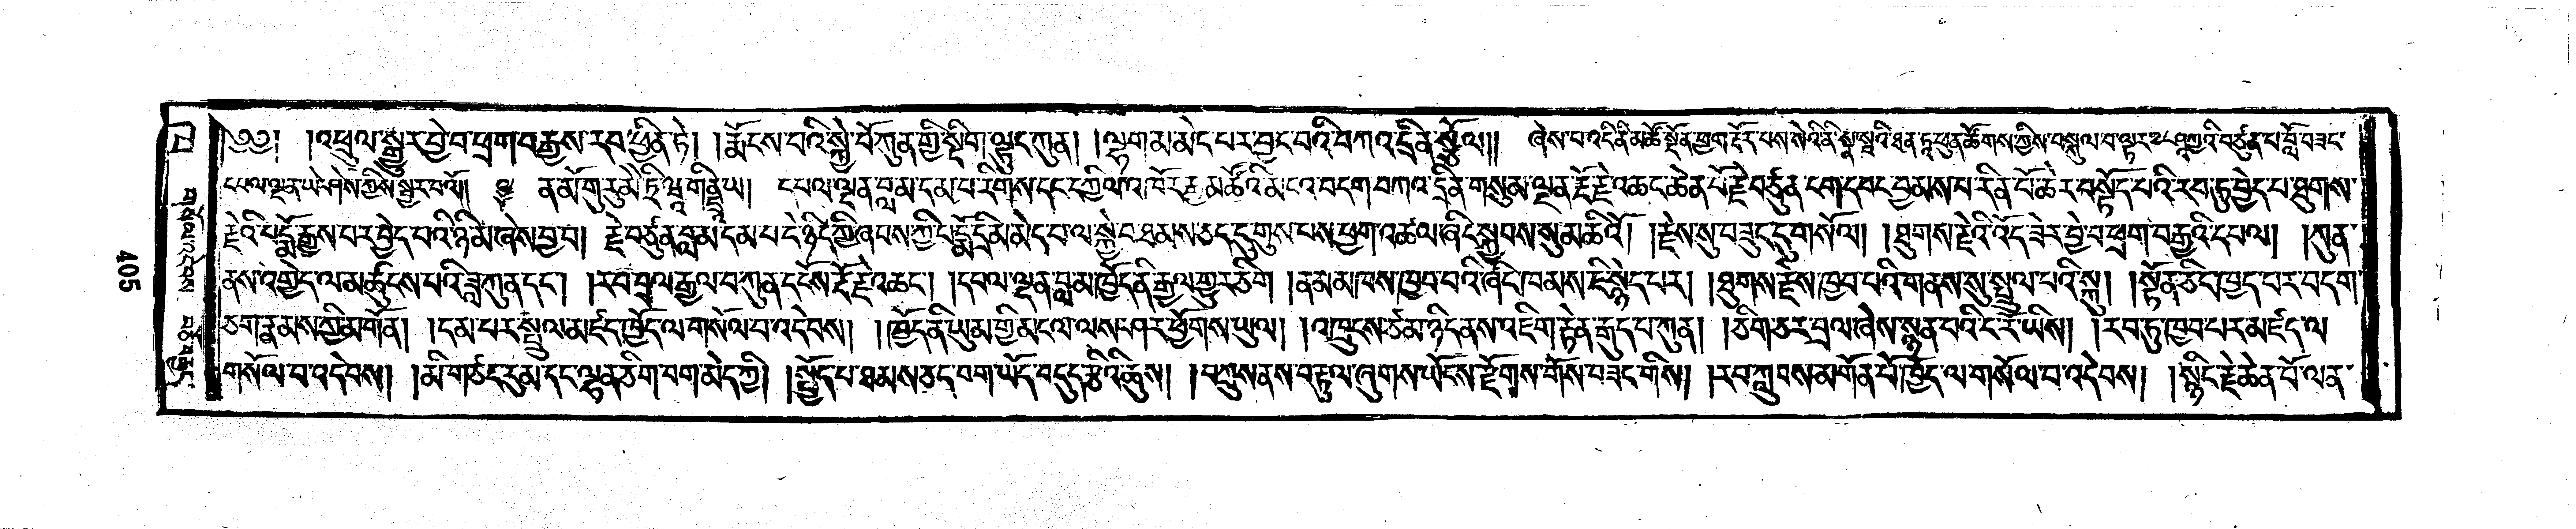༄༅། །འཕྲུལ་སྒྱུར་བྱེ་བ་ཕྲག་བརྒྱས་རབ་ཕྱིན་ཏེ། །རྨོངས་པའི་སྐྱེ་བོ་ཀུན་གྱི་སྡིག་ལྟུང་ཀུན། །ལྷག་མ་མོད་པར་བྱང་བའི་བཀའ་དྲིན་སྩོལ།། ཞེས་པ་འདི་ནི་མཚོ་སྔོན་ཕྱག་རྡོར་པས་སེའི་ནི་སྣ་སྦའི་ཐན་ཏཱ་ཕུན་ཚོགས་ཀྱིས་བསྐུལ་བ་ལྟར་༧་ཤཱཀྱའི་བཙུན་པ་བློ་བཟང་
དཔལ་ལྡན་ཡེ་ཤེས་ཀྱིས་སྦྱར་བའོ།། ༈ ན་མོ་གུ་རུ་མཻ་ཏྲི་ཝཱ་གནྡྲཱི་ཡ། དཔལ་ལྡན་བླ་མ་དམ་པ་རིགས་དང་དཀྱིལ་འཁོར་རྒྱ་མཚོའི་མངའ་བདག་བཀའ་དྲིན་གསུམ་ལྡན་རྡོ་རྗེ་འཆང་ཆེན་པོ་རྗེ་བཙུན་ངག་དབང་བྱམས་པ་རིན་པོ་ཆེར་བསྟོད་པའི་རབ་ཏུ་བྱེད་པ་ཐུགས་
རྗེའི་པདམོ་རྒྱས་པར་བྱེད་པའི་ཉི་མ་ཞེས་བྱ་བ། རྗེ་བཙུན་བླ་མ་དམ་པ་དེ་ཉིད་ཀྱི་ཞབས་ཀྱི་པདམོ་དྲི་མ་མེད་པ་ལ་སྐྱེ་བ་ཐམས་ཅད་དུ་གུས་པས་ཕྱག་འཚལ་ཞིང་སྐྱབས་སུ་མཆིའོ། །རྗེས་སུ་བཟུང་དུ་གསོལ། །ཐུགས་རྗེའི་འོད་ཟེར་བྱེ་བ་ཕྲག་བརྒྱའི་དཔལ། །ཀུན་
ནས་འགྱེད་ལ་མཚུངས་པའི་ཟླ་ཀུན་དང་། །རབ་བྲལ་རྒྱལ་བ་ཀུན་དངོས་རྡོ་རྗེ་འཆང་། །དཔལ་ལྡན་བླ་མ་ཁྱོད་ནི་རྒྱལ་གྱུར་ཅིག །ནམ་མཁས་ཁྱབ་པའི་ཞིང་ཁམས་ཇི་སྙེད་པར། །ཐུགས་རྗེས་ཁྱབ་པའི་གནས་སུ་སྤྲུལ་པའི་སྐུ། །སྟོན་ཅིང་ཁྱད་པར་བདག་
ཅག་རྣམས་ཀྱི་མགོན། །དམ་པར་སྤྲུལ་མཛད་ཁྱོད་ལ་གསོལ་བ་འདེབས། །ཁྱོད་ནི་ཡུམ་གྱི་མངལ་ལས་ཤར་ཕྱོགས་ཡུལ། །འཁྲུངས་ཙམ་ཉིད་ནས་འཇིག་རྟེན་རྒུད་པ་ཀུན། །ཅིག་ཅར་བྲལ་ཞེས་སྙན་པའི་ང་རོ་ཡིས། །རབ་ཏུ་ཁྱབ་པར་མཛད་ལ་
གསོལ་བ་འདེབས། །མི་གཙང་རུམ་དང་ལྷན་ཅིག་བག་མེད་ཀྱི། །སྤྱོད་པ་ཐམས་ཅད་བག་ཡོད་བདུད་རྩིའི་ཆུས། །བཀྲུས་ནས་བརྟུལ་ཞུགས་ཡོངས་རྫོགས་གོས་བཟང་གིས། །རབ་ཀླུབས་མགོན་པོ་ཁྱོད་ལ་གསོལ་བ་འདེབས། །སྙིང་རྗེ་ཆེན་པོ་ལན་